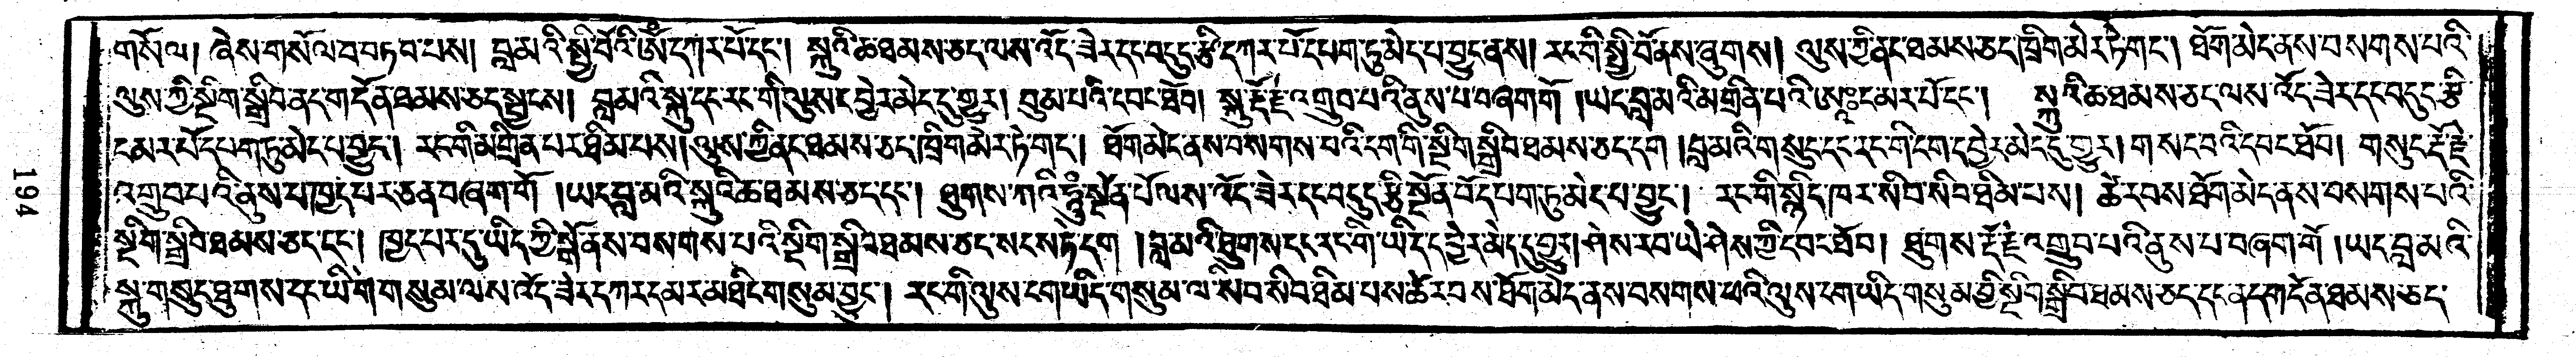གསོལ། ཞེས་གསོལ་བ་བཏབ་པས། བླ་མའི་སྤྱི་བོའི་ཨོཾ་དཀར་པོ་དང་། སྐུའི་ཆ་ཐམས་ཅད་ལས་འོད་ཟེར་དང་བདུད་རྩི་དཀར་པོ་དཔག་ཏུ་མེད་པ་བྱུང་ནས། རང་གི་སྤྱི་བོ་ནས་ཞུགས། ལུས་ཀྱི་ནང་ཐམས་ཅད་ཁྲིག་མེར་ཏེ་གང་། ཐོག་མེད་ནས་བསགས་པའི་
ལུས་ཀྱི་སྡིག་སྒྲིབ་ནད་གདོན་ཐམས་ཅད་སྦྱངས། བླ་མའི་སྐུ་དང་རང་གི་ལུས་དབྱེར་མེད་དུ་གྱུར། བུམ་པའི་དབང་ཐོབ། སྐུ་རྡོ་རྗེ་འགྲུབ་པའི་ནུས་པ་བཞག་གོ །ཡང་བླ་མའི་མགྲིན་པའི་ཨཱཿ ང་མར་པོ་དང་། སྐུའི་ཆ་ཐམས་ཅད་ལས་འོད་ཟེར་དང་བདུད་རྩི་
དམར་པོ་དཔག་ཏུ་མེད་པ་བྱུང་། རང་གི་མགྲིན་པར་ཐིམ་པས། ལུས་ཀྱི་ནང་ཐམས་ཅད་ཁྲིག་མེར་ཏེ་གང་། ཐོག་མེད་ནས་བསགས་པའི་དག་གི་སྡིག་སྒྲིབ་ཐམས་ཅད་དག །བླ་མའི་གསུང་དང་རང་གི་དག་དབྱེར་མེད་དུ་གྱུར། གསང་བའི་དབང་ཐོབ། གསུང་རྡོ་རྗེ་
འགྲུབ་པའི་ནུས་པ་ཁྱད་པར་ཅན་བཞག་གོ །ཡང་བླ་མའི་སྐུའི་ཆ་ཐམས་ཅད་དང་། ཐུགས་ཀའི་ཧཱུཾ་སྔོན་པོ་ལས་འོད་ཟེར་དང་བདུད་རྩི་སྔོན་པོ་དཔག་ཏུ་མེད་པ་བྱུང་། རང་གི་སྙིང་ཁར་སིབ་སིབ་ཐིམ་པས། ཚེ་རབས་ཐོག་མེད་ནས་བསགས་པའི་
སྡིག་སྒྲིབ་ཐམས་ཅད་དང་། ཁྱད་པར་དུ་ཡིད་ཀྱི་སྒོ་ནས་བསགས་པའི་སྡིག་སྒྲིབ་ཐམས་ཅད་སངས་ཏེ་དག །བླ་མའི་ཐུགས་དང་རང་གི་ཡིད་དབྱེར་མེད་དུ་གྱུར། ཤེས་རབ་ཡེ་ཤེས་ཀྱི་དབང་ཐོབ། ཐུགས་རྡོ་རྗེ་འགྲུབ་པའི་ནུས་པ་བཞག་གོ །ཡང་བླ་མའི་
སྐུ་གསུང་ཐུགས་དང་ཡི་གེ་གསུམ་ལས་འོད་ཟེར་དཀར་དམར་མཐིང་གསུམ་བྱུང་། རང་གི་ལུས་ངག་ཡིད་གསུམ་ལ་སིབ་སིབ་ཐིམ་པས་ཚེ་རབས་ཐོག་མེད་ནས་བསགས་ཕའི་ལུས་ངག་ཡིད་གསུམ་བྱི་སྡིག་སྒྲིབ་ཐམས་ཅད་དང་ནད་གདོན་ཐམས་ཅད་